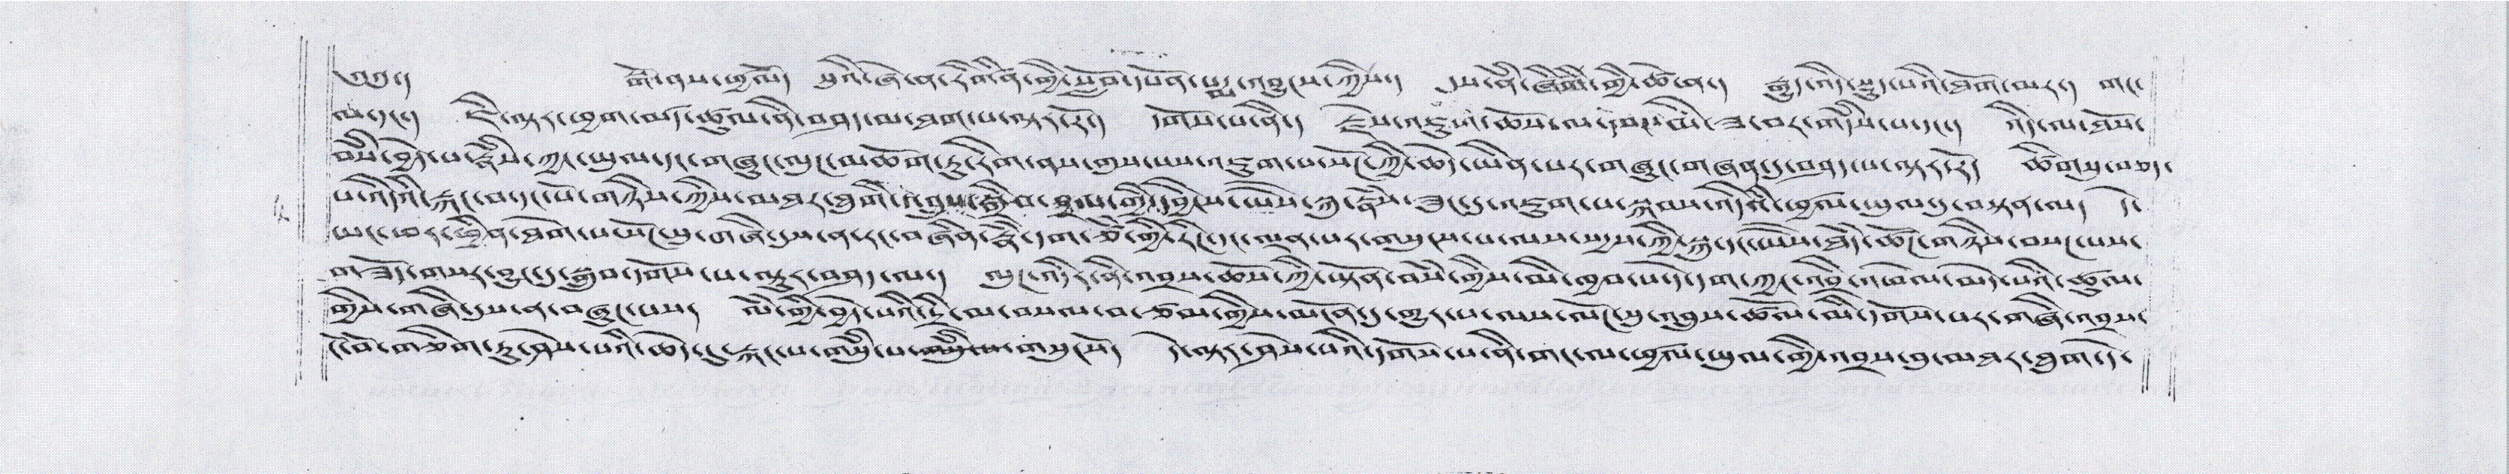སྒོ་ནས་ཕྱག་འཚལ་ལོ། སུས་ཤེ་ན་རིག་འཛིན་གྱི་སློབ་དཔོན་པདྨ་འབྱུང་གནས་ཀྱིས། དུས་ནམ་ཞིག་གི་ཚེ་ན། རྒྱུད་འདི་བསྡུས་པའི་ཐོག་མར། གང་
ལ་དང་ཇི་ལྟར་ཕྱག་མཛད་ཚུལ་ནི་བཤད་མ་ཐག་པ་ལྟར་རོ། དགོས་པ་ནི། རྗེས་འཇུག་ཆོས་ལ་དབང་མི་ཟ་བར་གདམས་པ་དང་། འདི་ལ་ཐོས་
བསམ་བྱེད་པ་རྣམས་ཀྱང་ཡུལ་དང་གཞུང་ལུགས་མཆོག་ཏུ་རིག་ནས་གུས་པས་འཇུག་པ་སོགས་ཀྱི་ཆེད་ཡིན་པར་གཞུང་གཞན་དུ་བཤད་པ་ལྟར་རོ། ཚིགས་སུ་བཅད་
པ་འདིའི་རྐང་པ་དང་པོ་གཉིས་ཀྱིས་མཐར་ཐུག་གི་འབྲས་བུ་སྒྲིབ་བྲལ་ཀྱི་དབྱིངས་ཡེ་ཤེས་སྐུ་རྣམས་ཟུང་དུ་འཇུག་པ་སྐབས་འདིའི་ཕྱག་འཚལ་ཡུལ་དུ་བསྟན་ལ། དེ་
ཡང་ཕར་ཕྱིན་ཐེག་པ་སོགས་སུ་གཞི་དུས་ན་རང་བཞིན་རྣམ་དག་ཙམ་གྱི་རིགས་དང་ལྡན་པར་གསུངས་པ་ལས་སངས་རྒྱས་ཀྱི་སྐུ་དང་ཡེ་ཤེས་ཐམས་ཅད་ཚོགས་གཉིས་བསགས་པས་
བཟོད་གསར་བྱུང་དུ་བསྒྲུབ་དགོས་པ་ལྟ་བུར་བཤད་ལ། ལུགས་འདིར་ནི་འབྲས་ཆོས་ཀྱི་ཡོན་ཏན་བསམ་གྱིས་མི་ཁྱབ་པ་དེ་དག་ཀྱང་འབྲི་འཕེལ་མེད་པའི་ཚུལ་
གྱིས་གཞི་དུས་ན་བཞུགས་པས། ལམ་གྱི་བྱེད་པའི་དྲི་མ་བསལ་བ་ཙམ་གྱིས་མངོན་དུ་གྱུར་པ་ལས་ལོགས་སུ་འབྲས་བུ་ཚོལ་མི་དགོས་པར་གཞི་འབྲས་
ངོ་བོ་གཅིག་ཏུ་ཤེས་པའི་ཆེད་དུ་རྐང་པ་གསུམ་པ་གསུངས་སོ། དེ་ལྟར་ཤེས་པའི་དགོས་པ་ནི་གང་ལ་ཕྱག་འཚལ་ཡུལ་གྱི་འབྲས་བུ་མཐར་ཐུག་དེ་